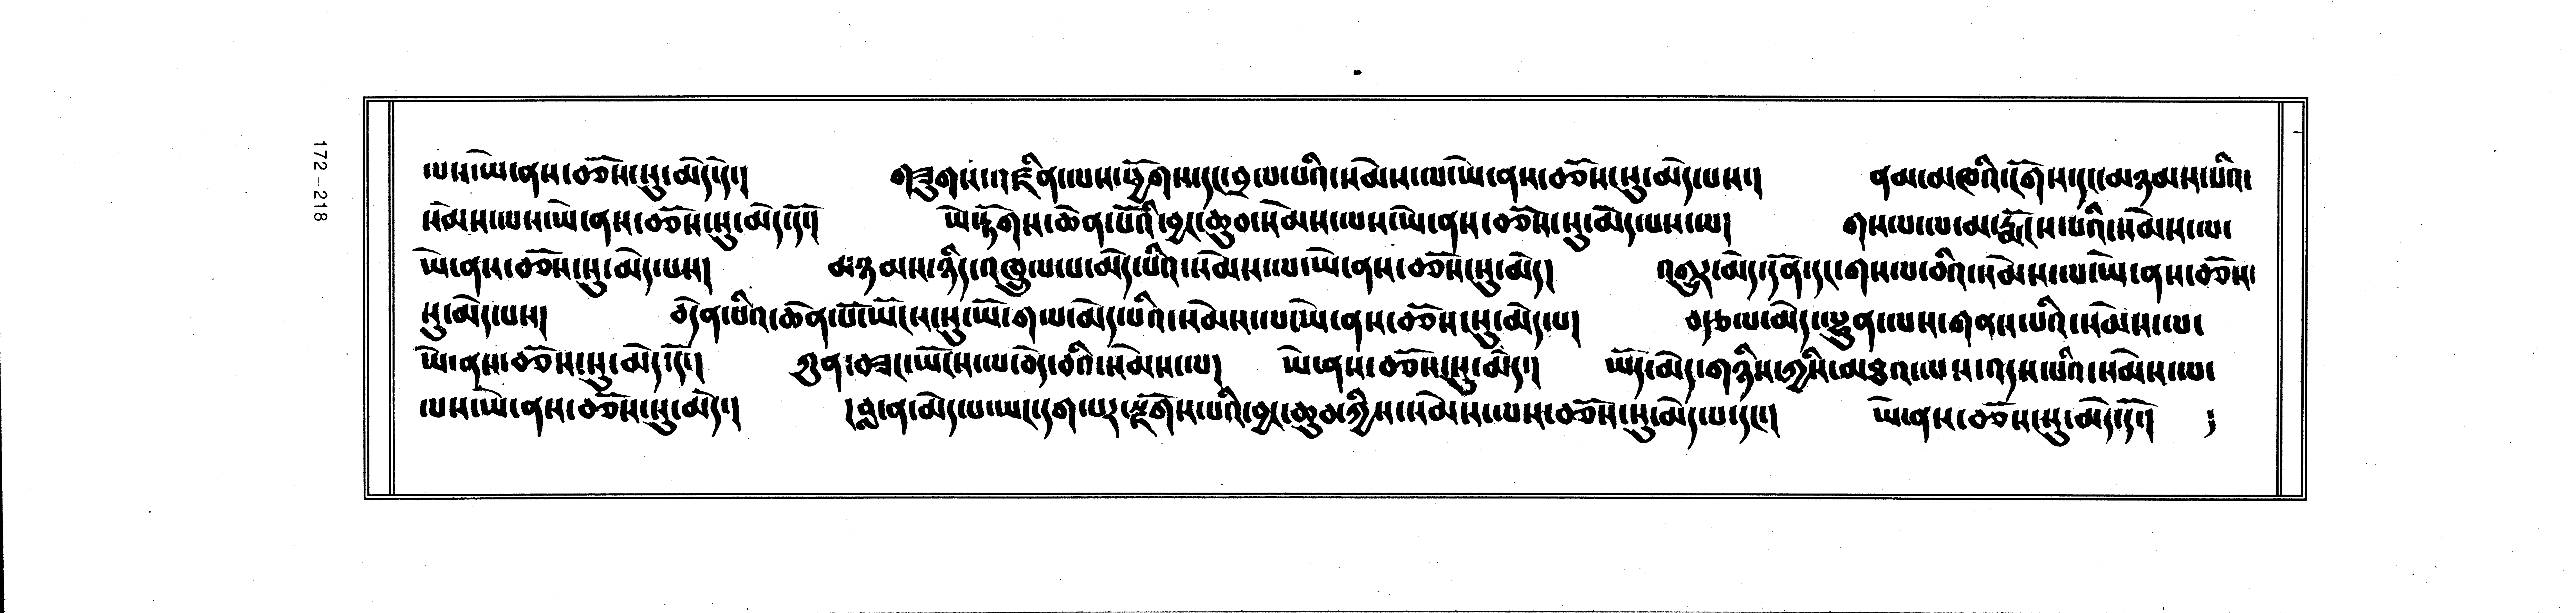ལས་ཡེ་ནས་བཅོས་སུ་མེད་དེ། གཟུགས་འཛིན་ལས་ཕྱོགས་དང་བྲལ་པའི་སེམས་ལ་ཡེ་ནས་བཅོས་སུ་མེད་པས། ནམ་མཁའི་ངོགས་དང་མཉམས་པའི་
སེམས་ལས་ཡེ་ནས་བཅོས་སུ་མེད་དོ། ཡེ་རྟོགས་ཆེན་པོའི་བྱང་ཆུབ་སེམས་ལས་ཡེ་ནས་བཅོས་སུ་མེད་པས་ལ། གསལ་ལ་མ་རྨོངས་པའི་སེམས་ལ་
ཡེ་ནས་བཅོས་སུ་མེད་པས། མཉམས་ཉིད་འཁྲུལ་པ་མེད་པའི་སེམས་ལ་ཡེ་ནས་བཅོས་སུ་མེད། འགྱུར་མེད་དོན་དང་གསལ་བའི་སེམས་ལ་ཡེ་ནས་བཅོས་
སུ་མེད་པས། བདེན་པ་ཆེན་པོ་ཡོངས་སུ་ཡོ་གལ་མེད་པའི་སེམས་ལ་ཡེ་ནས་བཅོས་སུ་མེད་པ། བརྩལ་མེད་ལྷུན་ལས་གནས་པའི་སེམས་ལ་
ཡེ་ནས་བཅོས་སུ་མེད་དོ། ཀུན་བཟང་ཡོངས་ལ་བདེ་བའི་སེམས་ལ། ཡེ་ནས་བཅོས་སུ་མེད། ཡོད་མེད་གཉིས་ཀྱིས་མཐའ་ལས་འདས་པའི་སེམས་
ལས་ཡེ་ནས་བཅོས་སུ་མེད། བླ་ན་མེད་པ་ཡང་དག་པར་རྫོགས་པའི་བྱང་ཆུབ་ཀྱིས་སེམས་ལས་བཅོས་སུ་མེད་པ་དང་། ཡེ་ནས་བཅོས་སུ་མེད་དོ།